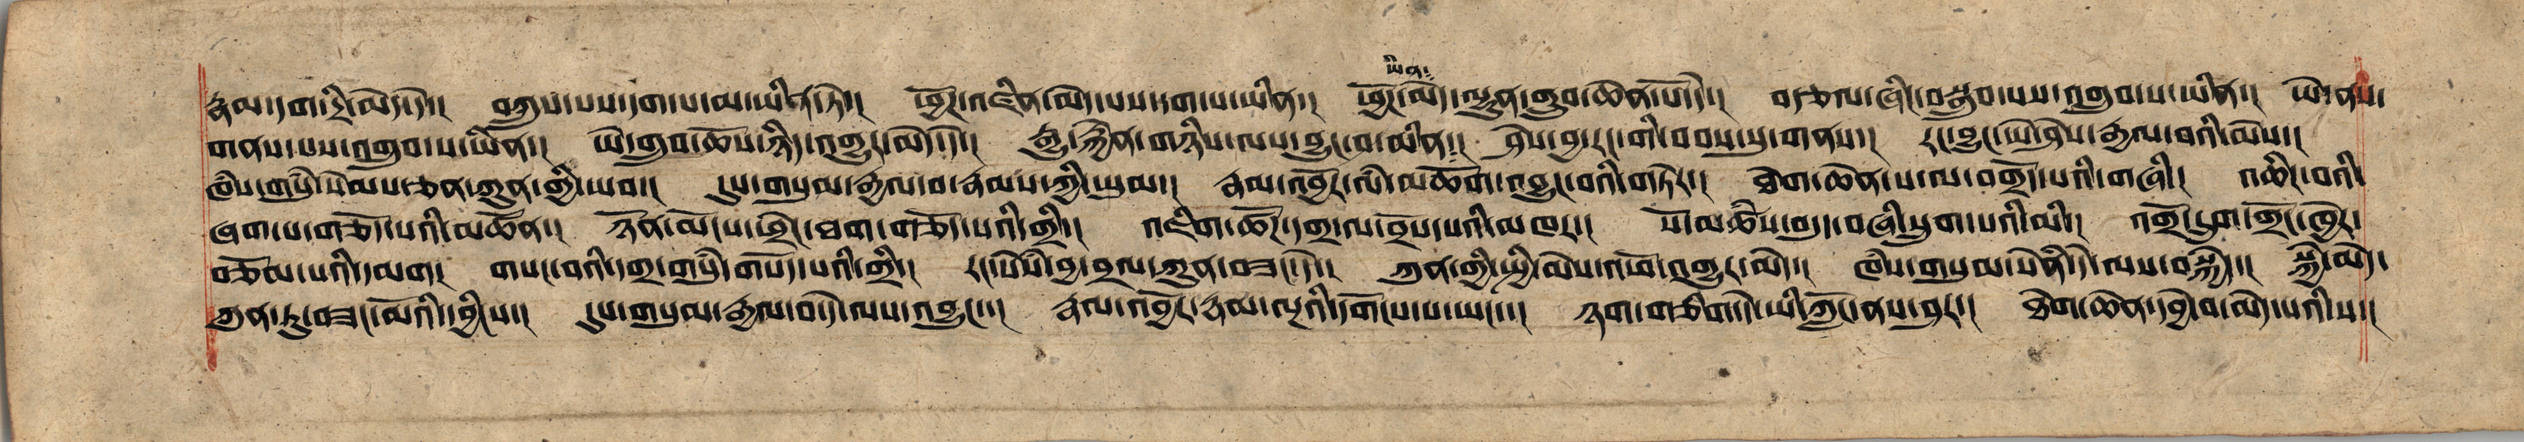རྣམ་དག་དྲི་མེད་དེ་། བཀྲུས་པས་དག་པ་མ་ཡིན་ཏེ་། ཕྱོཌ་འཛིན་མེད་པས་དག་པ་ཡིན་། ཕྱོཌ་མེད་ལྷུན་གྲུབ་ཆེན་པོ་དེ་། བརྩལ་ཞིང་བསྒྲུབ་པས་འགྲུབ་པ་ཡིན་། ཡེ་ནས་
གནས་པས་འགྲུབ་པ་ཡིན་། ཡེ་གྲུབ་ཆོས་ཉིད་འགྱུར་མེད་དེ་། རྒྱུ་རྐྱེན་གཉིས་ལས་བྱུང་བ་མིན་། ཤེས་བྱ་རང་གི་བབས་སུ་གནས་། རང་བྱུང་ཡེ་ཤེས་རྒྱལ་བའི་མེས་།
ཁཾས་གསུཾ་སེམས་ཅན་ཀུན་གྱི་ཡབ་། དུས་གསུམ་རྒྱལ་བ་རྣམས་ཀྱི་ཡུམ་། རྣམ་འབྱོར་ལཾ་མཆོག་འབྱུང་བའི་གཏེར་། ཐེག་ཆེན་ས་ལ་བགྲོད་པའི་གཞི་། འཆིང་བའི་
ཞག་པ་གཅོད་པའི་མཚོན་། ཉོན་མོངས་ཕྲེང་ཐག་གཅོད་པའི་གྲི་། འཇིག་ཚོཌ་དགྲ་ལ་བྲོས་པའི་མཁར་། སོ་མཚཾས་བདུད་བཞི་སྲུག་པའི་མི་། འགྲོ་དྲུག་གྲོང་ཁྱེར་
བཅོམ་པའི་དམག། གསང་བའི་དགྲ་གསུཾ་གསོད་པའི་གྲི་། རང་སེཾས་བྱ་བྲལ་ཀུན་བཟང་དེ་། ཀུན་གྱི་སྤྱི་མེས་འཕོ་འགྱུར་མེད་། ཁཾས་གསུམ་སེཾན་དེ་ལས་བསྐྱེད་། སྐྱེ་མེད་
ཀུནཏུ་བཟང་མོའི་དབྱིངས་། དུས་གསུམ་རྒྱལ་བ་དེ་ལས་འབྱུང་་། རྣལ་འབྱོར་རྣམ་ལྔའི་དགོངས་པ་ཡང་་། ཉག་གཅིག་དེ་ཡི་ཀློང་ནས་ཤར་། ཐེག་ཆེན་དབྱེ་བ་མེད་པའི་ས་།